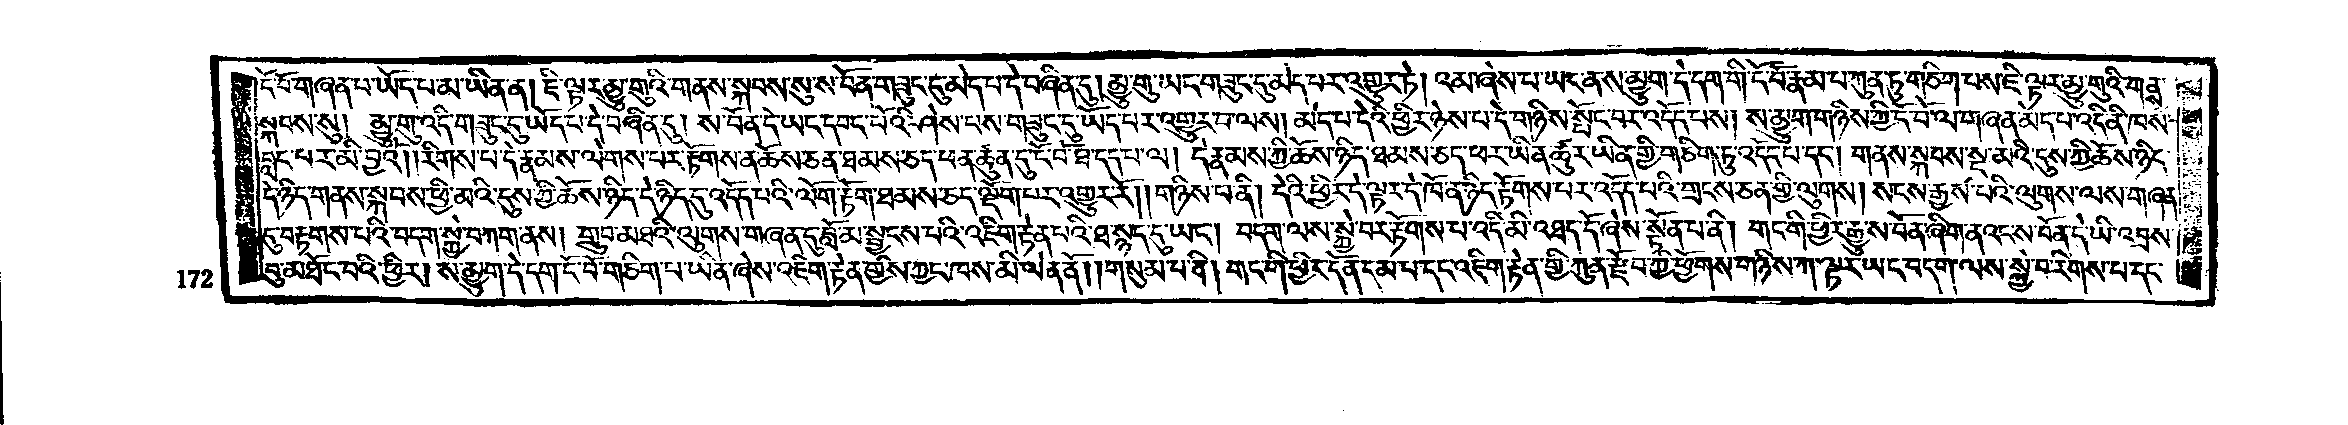ངོ་བོ་གཞན་པ་ཡོད་པ་མ་ཡིན་ན། ཇི་ལྟར་མྱུ་གུའི་གནས་སྐབས་སུ་ས་བོན་གཟུང་དུ་མེད་པ་དེ་བཞིན་དུ། མྱུ་གུ་ཡང་གཟུང་དུ་མེད་པར་འགྱུར་ཏེ། འམ་ཞེས་པ་ཡང་ན་ས་མྱུག་དེ་དག་གི་ངོ་བོ་རྣམ་པ་ཀུན་ཏུ་གཅིག་པས་ཇི་ལྟར་མྱུ་གུའི་གནས་
སྐབས་སུ། མྱུ་གུ་འདི་གཟུང་དུ་ཡོད་པ་དེ་བཞིན་དུ། ས་བོན་དེ་ཡང་དབང་པོའི་ཤེས་པས་གཟུང་དུ་ཡོད་པར་འགྱུར་བ་ལས། མེད་པ་དེའི་ཕྱིར་ཉེས་པ་དེ་གཉིས་སྤོང་བར་འདོད་པས། ས་མྱུག་གཉིས་ཀྱི་ངོ་བོ་ལ་གཞན་མེད་པ་འདི་ནི་ཁས་
བླང་བར་མི་བྱའོ། །རིགས་པ་དེ་རྣམས་ལེགས་པར་རྟོགས་ན་ཆོས་ཅན་ཐམས་ཅད་ཕན་ཚུན་དུ་ངོ་བོ་ཐ་དད་པ་ལ། དེ་རྣམས་ཀྱི་ཆོས་ཉིད་ཐམས་ཅད་ཕར་ཡིན་ཚུར་ཡིན་གྱི་གཅིག་ཏུ་འདོད་པ་དང་། གནས་སྐབས་སྔ་མའི་དུས་ཀྱི་ཆོས་ཉིད་
དེ་ཉིད་གནས་སྐབས་ཕྱི་མའི་དུས་ཀྱི་ཆོས་ཉིད་དེ་ཉིད་དུ་འདོད་པའི་ལོག་རྟོག་ཐམས་ཅད་ལྡོག་པར་འགྱུར་རོ། །གཉིས་པ་ནི། དེའི་ཕྱིར་དེ་ལྟར་དེ་ཁོ་ན་ཉིད་རྟོགས་པར་འདོད་པའི་གྲངས་ཅན་གྱི་ལུགས། སངས་རྒྱས་པའི་ལུགས་ལས་གཞན་
དུ་བརྟགས་པའི་བདག་སྐྱེ་བཀག་ནས། གྲུབ་མཐའི་ལུགས་གཞན་དུ་བློ་མ་སྦྱངས་པའི་འཇིག་རྟེན་པའི་ཐ་སྙད་དུ་ཡང་། བདག་ལས་སྐྱེ་བར་རྟོགས་པ་འདི་མི་འཐད་དོ་ཞེས་སྟོན་པ་ནི། གང་གི་ཕྱིར་རྒྱུ་ས་བོན་ཞིག་ནའང་ས་བོན་དེ་ཡི་འབྲས་
བུ་མཐོང་བའི་ཕྱིར། ས་མྱུག་དེ་དག་ངོ་བོ་གཅིག་པ་ཡིན་ཞེས་འཇིག་རྟེན་གྱིས་ཀྱང་ཁས་མི་ལེན་ནོ། །གསུམ་པ་ནི། གང་གི་ཕྱིར་དོན་དམ་པ་དང་འཇིག་རྟེན་གྱི་ཀུན་རྫོབ་ཀྱི་ཕྱོགས་གཉིས་ཀ་ལྟར་ཡང་བདག་ལས་སྐྱེ་བ་རིགས་པ་དང་